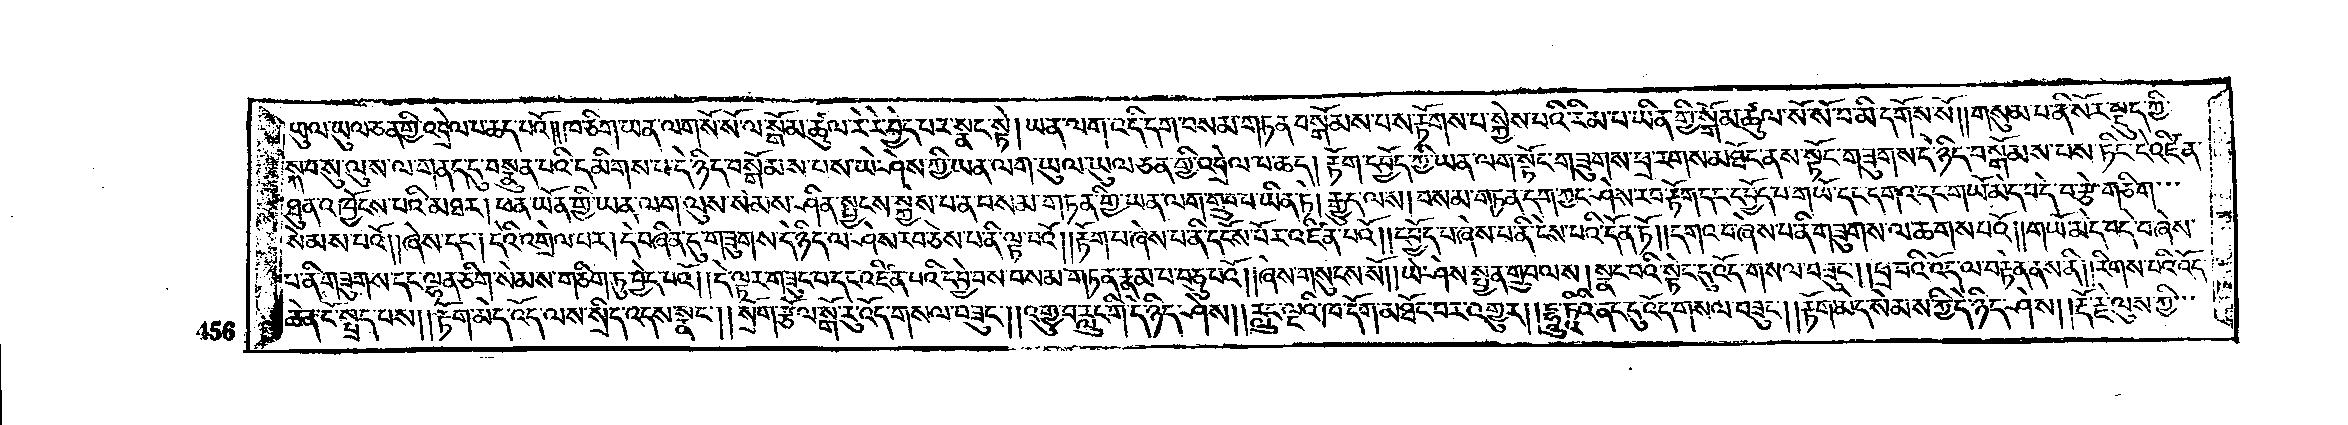ཡུལ་ཡུལ་ཅན་གྱི་འབྲེལ་པ་ཆད་པའོ། །ཁ་ཅིག་ཡན་ལག་སོ་སོ་ལ་སྒོམ་ཚུལ་རེ་རེ་བྱེད་པར་སྣང་སྟེ། ཡན་ལག་འདི་དག་བསམ་གཏན་བསྒོམས་པས་རྟོགས་པ་སྐྱེས་པའི་རིམ་པ་ཡིན་གྱི་སྒོམ་ཚུལ་སོ་སོ་བ་མི་དགོས་སོ། །གསུམ་པ་ནི་སོར་སྡུད་ཀྱི་
སྐབས་སུ་ལུས་ལ་གནད་དུ་བསྣུན་པའི་དམིགས་པ་དེ་ཉིད་བསྒོམས་པས་ཡེ་ཤེས་ཀྱི་ཡན་ལག་ཡུལ་ཡུལ་ཅན་གྱི་འབྲེལ་པ་ཆད། རྟོག་དཔྱོད་ཀྱི་ཡན་ལག་སྟོང་གཟུགས་ཕྲ་རགས་མཐོང་ནས་སྟོང་གཟུགས་དེ་ཉིད་བསྒོམས་པས་ཏིང་ངེ་འཛིན་
ཐུན་འཁྱོངས་པའི་མཐར། ཕན་ཡོན་གྱི་ཡན་ལག་ལུས་སེམས་ཤིན་སྦྱངས་སྐྱེས་པ་ན་བསམ་གཏན་གྱི་ཡན་ལག་གྲུབ་པ་ཡིན་ཏེ། རྒྱུད་ལས། བསམ་གཏན་དག་ཀྱང་ཤེས་རབ་རྟོག་དང་དཔྱོད་པ་གཡོ་དང་དགའ་དང་གཡོ་མེད་བདེ་བ་རྩེ་གཅིག་
སེམས་པའོ། །ཞེས་དང་། དེའི་འགྲེལ་པར། དེ་བཞིན་དུ་གཟུགས་དེ་ཉིད་ལ་ཤེས་རབ་ཅེས་པ་ནི་ལྟ་བའོ། །རྟོག་པ་ཞེས་པ་ནི་དངོས་པོར་འཛིན་པའོ། །དཔྱོད་པ་ཞེས་པ་ནི་ངེས་པའི་དོན་ཏོ། །དགའ་བ་ཞེས་པ་ནི་གཟུགས་ལ་ཆགས་པའོ། །གཡོ་མེད་བདེ་བ་ཞེས་
པ་ནི་གཟུགས་དང་ལྷན་ཅིག་སེམས་གཅིག་ཏུ་བྱེད་པའོ། །དེ་ལྟར་གཟུང་བ་དང་འཛིན་པའི་དབྱེ་བས་བསམ་གཏན་རྣམ་པ་བཅུ་པའོ། །ཞེས་གསུངས་སོ། །ཡེ་ཤེས་སྤྱན་གྲུབ་ལས། སྣང་བའི་སྟེང་དུ་འོད་གསལ་བཟུང་། །ཕྲ་བའི་འོད་ལ་བརྟེན་ནས་ནི། །རིགས་པའི་འོད་ཆེན་ངོ་སྤྲད་པས། །རྟོག་མེད་འོད་ལས་སྲིད་འདས་སྣང་། །སྲོག་རྩོལ་སྒོ་རུ་འོད་གསལ་བཟུང་། །འགྱུ་བ་རླུང་གི་དེ་ཉིད་ཤེས། །རླུང་ལྔའི་ཁ་དོག་མཐོང་བར་འགྱུར། །དྷཱུ་ཏཱིའི་ནང་དུ་འོད་གསལ་བཟུང་། །རྟོག་མེད་སེམས་ཀྱི་དེ་ཉིད་ཤེས། །རྡོ་རྗེ་ལུས་ཀྱི་